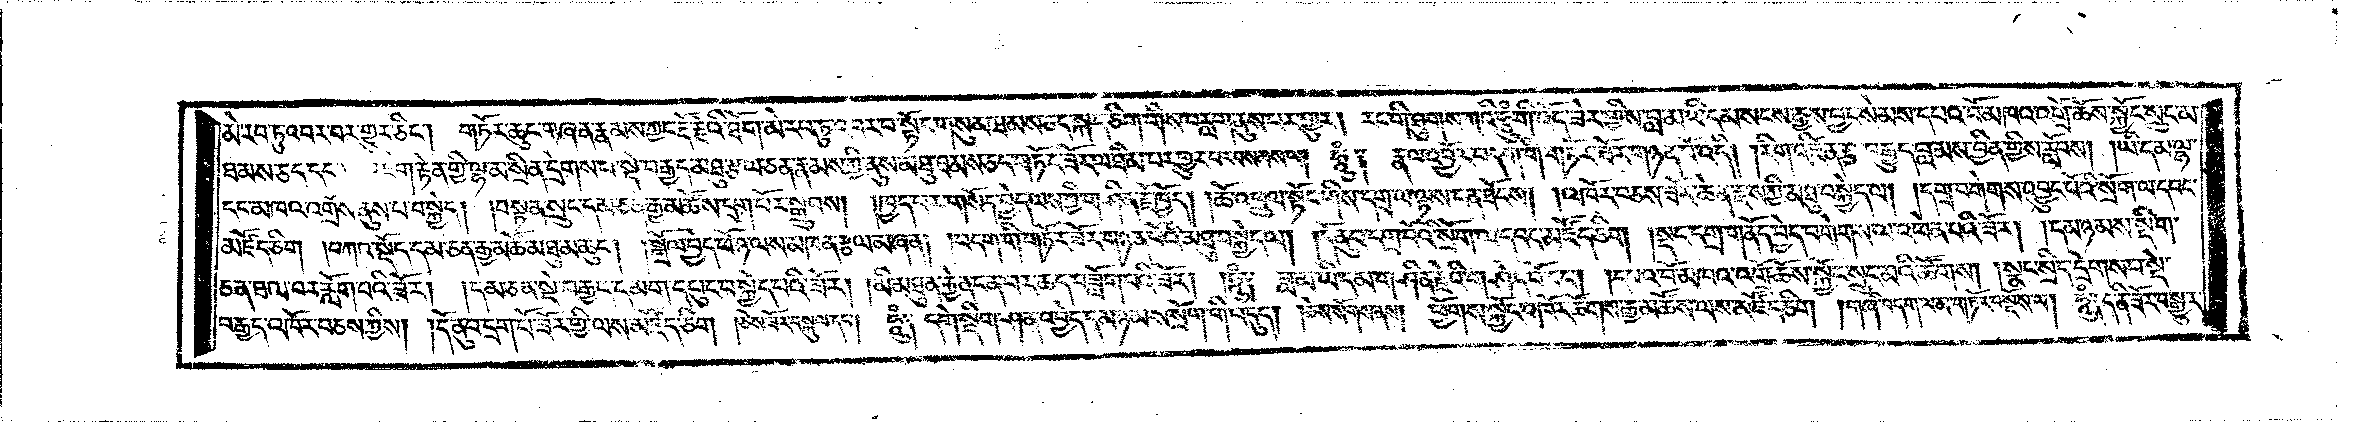མེ་རབ་ཏུ་འབར་བར་གྱུར་ཅིང་། གཏོར་ཆུང་གཞན་རྣམས་ཀྱང་རྡོ་རྗེའི་ཐོག་མེ་རབ་ཏུ་འབར་བ་སྟོང་གསུམ་ཐམས་ཅད་སྐད་ཅིག་གིས་བརླག་ནུས་པར་གྱུར། རང་གི་ཐུགས་ཀའི་ཧཱུཾ་གི་འོད་ཟེར་གྱིས་བླ་མའི་དམ་སངས་རྒྱ་བྱང་སེམས་དབང་པོ་མཁའ་འགྲོ་ཆོས་སྐྱོང་སྲུང་མ་
ཐམས་ཅད་དང་། འཇིག་རྟེན་གྱི་ལྷ་མ་སྲིན་དྲེགས་པ་སྡེ་བརྒྱད་མཐུ་རྩལ་ཅན་རྣམས་ཀྱི་ནུས་མཐུ་ཐམས་ཅད་གཏོང་ཟོར་ལ་ཐིམ་པ་གྱུར་པར་བསམས་ལ། ཧཱུཾ༑ རྣལ་འབྱོར་བདག་གི་གཏོར་ཟོར་གཉན་པོ་འདི། །རིག་འཛིན་རྩ་བརྒྱུད་བླ་མས་བྱིན་གྱིས་རློབས། །ཡི་དམ་ལྷ་
དང་མཁའ་འགྲོས་ནུས་པ་བསྐྱེད། །བསྟན་སྲུང་དམ་ཅན་རྒྱ་མཚོས་དྲག་པོར་སྒྲུབས། །ཁྱད་པར་གོས་བྱེད་ལས་ཀྱི་གཤིན་རྗེ་ཁྱོད། །ཆོས་འཕྲེལ་སྟོང་གིས་དགྲ་ལ་ལྟས་ངན་ཐོངས། །འཁོར་བཅས་ཟོར་ཆེན་རྫས་ཀྱི་མཐུ་བསྐྱེད་ལ། །དགྲ་བགེགས་འབྱུང་པོའི་སྲོག་ལ་དབང་
མཛོད་ཅིག །བཀའ་སྡོད་དམ་ཅན་རྒྱ་མཚོ་མཐུན་ཆུང་། །སྒྲོལ་བྱེད་ཕོ་ཉམས་མཁན་རྩལ་མ་ཞན། །བདག་གི་གཏོར་ཟོར་གཉན་པོའི་མཐུ་བསྐྱེད་ལ། །དོ་ནུབ་དགྲ་བོའི་སྲོག་ལ་དབང་མཛོད་ཅིང་། །སྔང་དགྲ་གནོད་བྱེད་བགེགས་གསལ་འཕེན་པའི་ཟོར། །དམ་ཉམས་སྡིག་
ཅན་ཐལ་བར་རློབ་པའི་ཟོར། །དམ་ཅན་སྡེ་བརྒྱད་དམག་དཔུང་བསྐྱེད་པའི་ཟོར། །མི་མཐུན་རྐྱེན་ངན་བར་ཆད་བཟློག་པའི་ཟོར། །ཧཱུཾ༑ བླ་མ་ཡི་དམ་གཤིན་རྗེའི་གཤད་བོ་དང་། དཔའ་བོ་མཁའ་འགྲོ་ཆོས་སྐྱོང་སྲུང་མའི་ཚོགས། །སྣང་སྲིད་དྲེགས་པ་སྡེ་
བརྒྱད་འཁོར་བཅས་ཀྱིས། །དོ་ནུབ་དྲག་པོ་ཟོར་གྱི་ལས་མཛོད་ཅིག །ཅེས་ཟོར་བསྐུལ་དང་། ཧཱུཾ༑ དགེ་སྡིག་གཤན་འབྱེད་དམ་ཉམས་སྲོག་གི་བདུད། །ཅེས་སོགས་ནས། །ཕྱོགས་སྐྱོང་འཁོར་ཚོགས་རྒྱ་མཚོས་ལས་མཛོད་ཅིག །གཞི་བདག་ཡམ་གཏོར་བསྔོས་ལ། ཧཱུཾ༑ ད་ནི་ཟོར་བསྒྱུར་